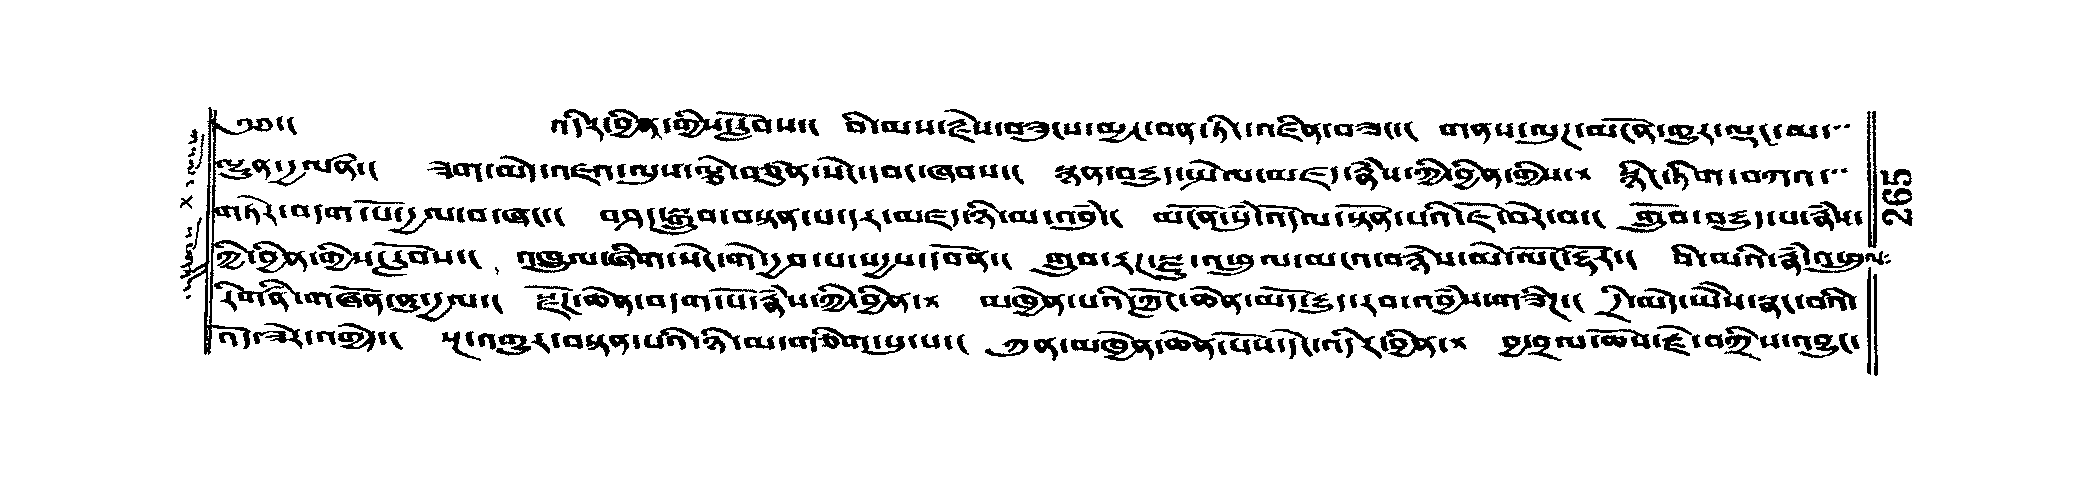འདིར་བྱིན་གྱིས་རློབས། །བི་མས་རྗེས་བཟུངས་མྱང་བན་ཏིང་འཛིན་བཟང་། །གནས་ལུགས་མངོན་གྱུར་ལྡང་མ་
ལྷུན་རྒྱལ་མཚན། །ཟག་མེད་འཇའ་ལུས་ལྕེ་བཙུན་སེང་དབང་ཞབས། །སྙན་བརྒྱུད་སྤེལ་མཛད་རྣམས་ཀྱི་བྱིན་གྱིས༴ །སྙིང་ཏིག་བཀའ་
གཏེར་བདག་པོ་རྒྱལ་བ་ཞང་། །བཤད་སྒྲུབ་བསྟན་པ་དར་མཛད་ཉི་མ་འབུམ། །མངོན་སུམ་འོད་གསལ་སྟོན་པའི་ཇོ་འབེར་བ། །གྲུབ་ཐོབ་བརྒྱུད་པ་རྣམས་
ཀྱི་བྱིན་གྱིས་རློབས། །འཁྲུལ་ཞིག་སེང་གེ་རྒྱབ་པ་སངས་རྒྱས་དབོན། །གྲུབ་རྟགས་རྫུ་འཕྲུལ་མངའ་བརྙེས་མེ་ལོང་རྡོར། །བི་མའི་རྣམ་འཕྲུལ་
རིག་འཛིན་གཞོན་ནུ་རྒྱལ། །རྫོགས་ཆེན་བདག་པོ་རྣམས་ཀྱི་བྱིན༴ །མཁྱེན་པའི་ཀློང་ཆེན་མདོ་རྒྱུད་རབ་འབྱམས་གཟིགས། །དྲི་མེད་ཡེ་ཤེས་སྣང་བའི་
འོད་ཟེར་འགྱེད། །སྔ་འགྱུར་བསྟན་པའི་ཉི་མ་གཅིག་པུ་པ། །ཀུན་མཁྱེན་ཆེན་པོས་དེང་འདིར་བྱིན༴ །བྱ་བྲལ་ཆོས་རྗེ་བཀྲ་ཤིས་འབྱུང་